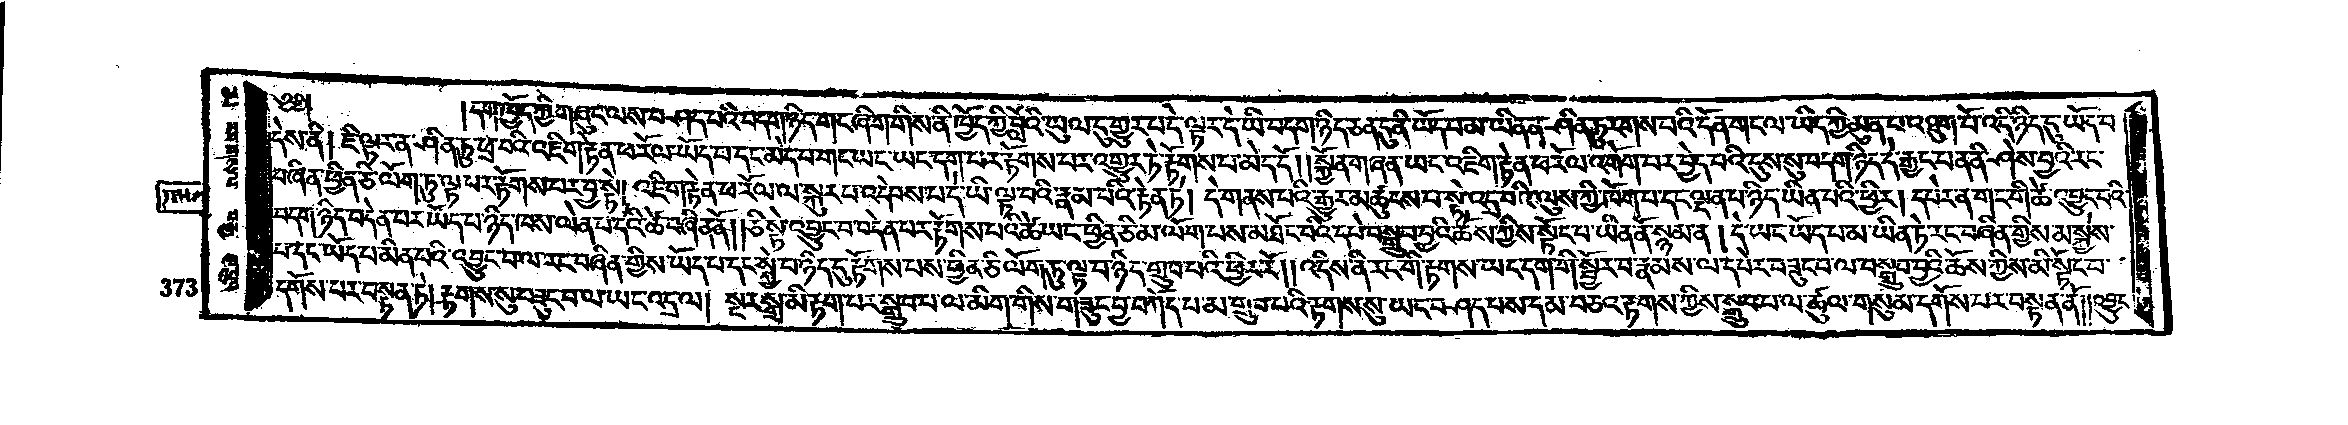༄༅། །དག་ཁྱོད་ཀྱི་གཞུང་ལས་བཤད་པའི་བདག་ཉིད་གང་ཞིག་གིས་ནི་ཁྱོད་ཀྱི་བློའི་ཡུལ་དུ་གྱུར་པ་དེ་ལྟར་དེ་ཡི་བདག་ཉིད་ཅན་དུ་ནི་ཡོད་པ་མ་ཡིན་ན་ཤིན་ཏུ་རགས་པའི་དོན་གང་ལ་ཡིད་ཀྱི་མུན་པ་འཐུག་པོ་འདི་ཉིད་དུ་ཡོད་པ་
དེས་ནི། ཇི་ལྟར་ན་ཤིན་ཏུ་ཕྲ་བའི་འཇིག་རྟེན་ཕ་རོལ་ཡོད་པ་དང་མེད་པ་གང་ཡང་ཡང་དག་པར་རྟོགས་པར་འགྱུར་ཏེ་རྟོགས་པ་མེད་དོ། །སྐྱོན་གཞན་ཡང་འཇིག་རྟེན་ཕ་རོལ་འགོག་པར་བྱེད་པའི་དུས་སུ་བདག་ཉིད་དེ་རྒྱང་ཕན་ནི་ཤེས་བྱའི་རང་
བཞིན་ཕྱིན་ཅི་ལོག་ཏུ་ལྟ་བར་རྟོགས་པར་བྱ་སྟེ། འཇིག་རྟེན་ཕ་རོལ་ལ་སྐུར་པ་འདེབས་པ་དེ་ཡི་ལྟ་བའི་རྣམ་པའི་རྟེན་ཏེ། དེ་གནས་པའི་རྒྱུར་མཚུངས་པ་སྟེ་འདྲ་བའི་ལུས་ཀྱི་ཁོག་པ་དང་ལྡན་པ་ཉིད་ཡིན་པའི་ཕྱིར། དཔེར་ན་གང་གི་ཚེ་འབྱུང་བའི་
བདག་ཉིད་བདེན་པར་ཡོད་པ་ཉིད་ཁས་ལེན་པ་དེའི་ཚེ་བཞིན་ནོ། །ཅི་སྟེ་འབྱུང་བ་བདེན་པར་རྟོགས་པའི་ཚེ་ཡང་ཕྱིན་ཅི་མ་ལོག་པས་མཐོང་བའི་དཔེ་བསྒྲུབ་བྱའི་ཆོས་ཀྱིས་སྟོང་པ་ཡིན་ནོ་སྙམ་ན། དེ་ཡང་ཡོད་པ་མ་ཡིན་ཏེ་རང་བཞིན་གྱིས་མ་སྐྱེས་
པ་དང་ཡོད་པ་མིན་པའི་འབྱུང་བ་ལ་རང་བཞིན་གྱིས་ཡོད་པ་དང་སྐྱེ་བ་ཉིད་དུ་རྟོགས་པས་ཕྱིན་ཅི་ལོག་ཏུ་ལྟ་བ་ཉིད་གྲུབ་པའི་ཕྱིར་རོ། །འདིས་ནི་རང་གི་རྟགས་ཡང་དག་གི་སྦྱོར་བ་རྣམས་ལ་དཔེར་བཟུང་བ་ལ་བསྒྲུབ་བྱའི་ཆོས་ཀྱིས་མི་སྟོང་བ་
དགོས་པར་བསྟན་ཏེ། རྟགས་སུ་བཟུང་བ་ལ་ཡང་འདྲ་ལ། སྔར་སྒྲ་མི་རྟག་པར་སྒྲུབ་པ་ལ་མིག་གིས་གཟུང་བྱ་བཀོད་པ་མ་གྲུབ་པའི་རྟགས་སུ་ཡང་བཤད་པས་དམ་བཅའ་རྟགས་ཀྱིས་སྒྲུབ་པ་ལ་ཚུལ་གསུམ་དགོས་པར་བསྟན་ནོ། །འབྱུང་